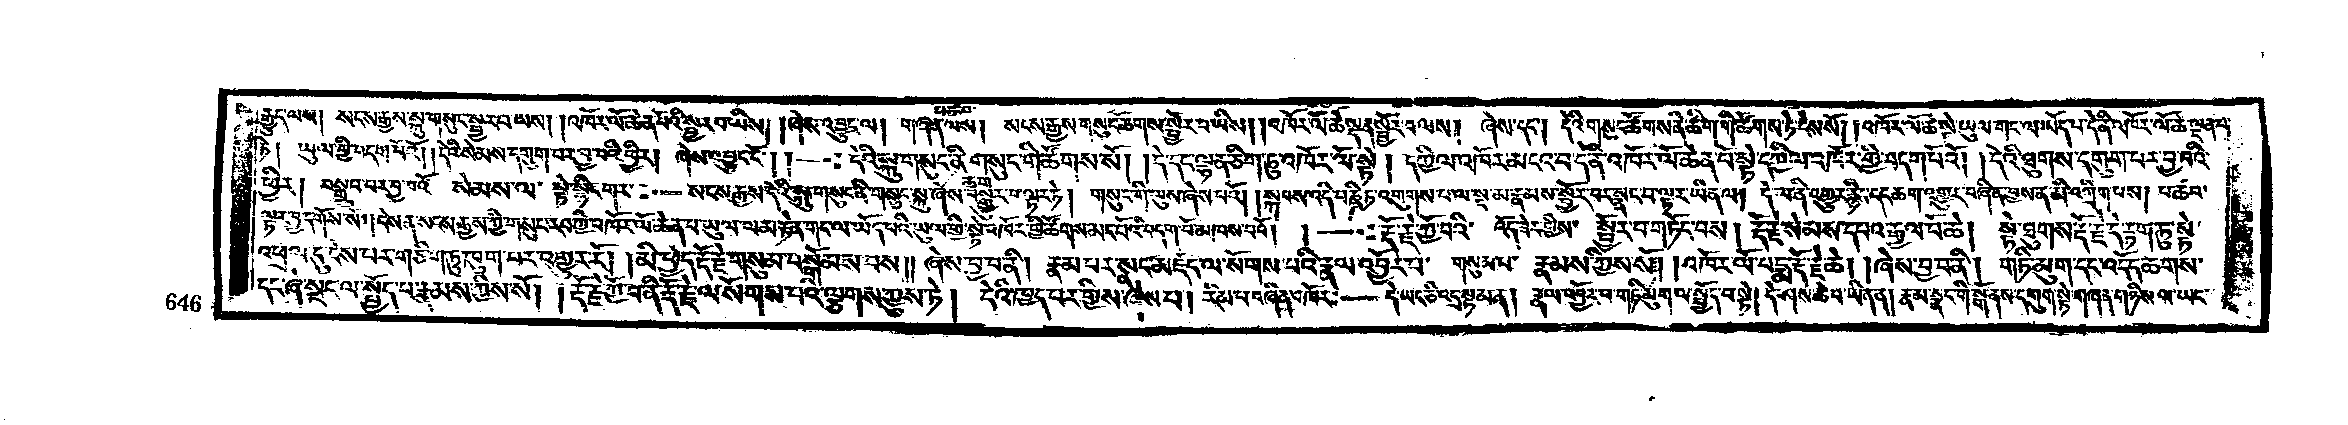རྒྱུད་ལས། སངས་རྒྱས་སྐུ་གསུང་སྦྱོར་?་བ་ཡིས། །འཁོར་ལོ་ཆེན་པོའི་སྦྱོར་པ་ཡིས། །ཞེས་འབྱུང་ལ། གཞན་ལས་པ་ཚབ། སངས་རྒྱས་གསུང་ཚོགས་སྦྱོར་བ་ཡིས། །འཁོར་ལོ་ཆེ་ལྡན་སྦྱོར་བ་ལས། ཞེས་དང་། དེའི་གསུང་ཚོགས་ནི་ཚིག་གི་ཚོགས་ཏེ་ངེས་སོ། །འཁོར་ལོ་ཆེ་སྟེ་ཡུལ་གང་ལ་ཡོད་པ་དེ་ནི་འཁོར་ལོ་ཆེ་ལྡན་
ཏེ། ཡུལ་ཀྱི་བདག་པོའོ། །དེའི་སེམས་དགུག་པར་བྱ་བའི་ཕྱིར། ཞེས་འབྱུང་ངོ།། .H དེའི་སྐུ་གསུང་ནི་གསུང་གི་ཚོགས་སོ། །དེ་དང་ལྷན་ཅིག་ཏུ་འཁོར་ལོ་སྟེ། དཀྱིལ་འཁོར་མངའ་བ་དེ་ནི་འཁོར་ལོ་ཆེན་པོ་སྟེ་དཀྱིལ་འཁོར་གྱི་བདག་པོའོ། །དེའི་ཐུགས་དགུག་པར་བྱ་བའི་
ཕྱིར། བསྒྲུབ་པར་བྱ་བའི་སེམས་ལ་སྟེ་སྙིང་གར་H.་སངས་རྒྱས་དེའི་སྐུ་གསུང་ནི་གསུང་སྐུ་ཞེས་ཆག་བསྒྱུར་བ་ལྟར་ཏེ། གསུང་གི་ལུས་ཞེས་པའོ། །སྐབས་འདི་པཎྜིཏ་འགུགས་པ་ལ་སྔ་མ་རྣམས་སྦྱོར་བར་སྣང་བ་ལྟར་ཡིན་ལ། དེ་ལ་ནི་འགྱུར་རྙིང་དང་ཆག་འགྱུར་བཞིན་བྱས་ན་མི་འགྲིག་པས། པ་ཚབ་
ལྟར་བྱ་དགོས་སོ། །དེས་ན་སངས་རྒྱས་ཀྱི་གསུང་རབ་ཀྱི་འཁོར་ལོ་ཆེན་པོ་ཡུལ་ལམ་རྟེན་གང་ལ་ཡོད་པའི་ཡུལ་གྱི་སྟེ་འཁོར་གྱི་ཚོགས་མང་པོའི་བདག་པོ་མཁས་པའོ།། .H རྡོ་རྗེ་ཀྱོ་བའི་འོད་ཟེར་གྱིས་སྦྱོར་བ་གཏོང་བས། རྡོ་རྗེ་སེམས་དཔའ་རྒྱལ་པོ་ཆེ། སྟེ་ཐུགས་རྡོ་རྗེ་དེ་རྟག་ཏུ་སྟེ་
འཕྲལ་དུ་ངེས་པར་གཅིག་ཏུ་ཁུག་པར་འགྱུར་རོ། །མི་ཕྱེད་རྡོ་རྗེ་གསུམ་བསྒོམས་པས། །ཞེས་བྱ་བ་ནི། རྣམ་པར་སྣང་མཛད་ལ་སོགས་པའི་རྣལ་འབྱོར་པ་གསུམ་པ་རྣམས་ཀྱིས་སོ། །འཁོར་ལོ་པདམ་རྡོ་རྗེ་ཆེ། །ཞེས་བྱ་བ་ནི། གཏི་མུག་དང་འདོད་ཆགས་
དང་ཞེ་སྡང་ལ་སྤྱོད་པ་རྣམས་ཀྱིས་སོ། །རྡོ་རྗེ་ཀྱོ་བ་ནི་རྡོ་རྗེ་ལ་སོགས་པའི་ལྕགས་ཀྱུས་ཏེ། དེའི་ཁྱད་པར་གྱིས་ཞེས་པ། རིམ་པ་བཞིན་འཁོར་H.་དེ་ཡང་ཅི་འདྲ་སྙམ་ན། རྣལ་འབྱོར་པ་གཏི་མུག་ལ་སྤྱོད་པ་སྟེ། དེ་ཤས་ཆེ་བ་ཡིན་ན། རྣམ་སྣང་གི་སྒོ་ནས་དགུག་སྟེ་གཞན་གཉིས་ལ་ཡང་